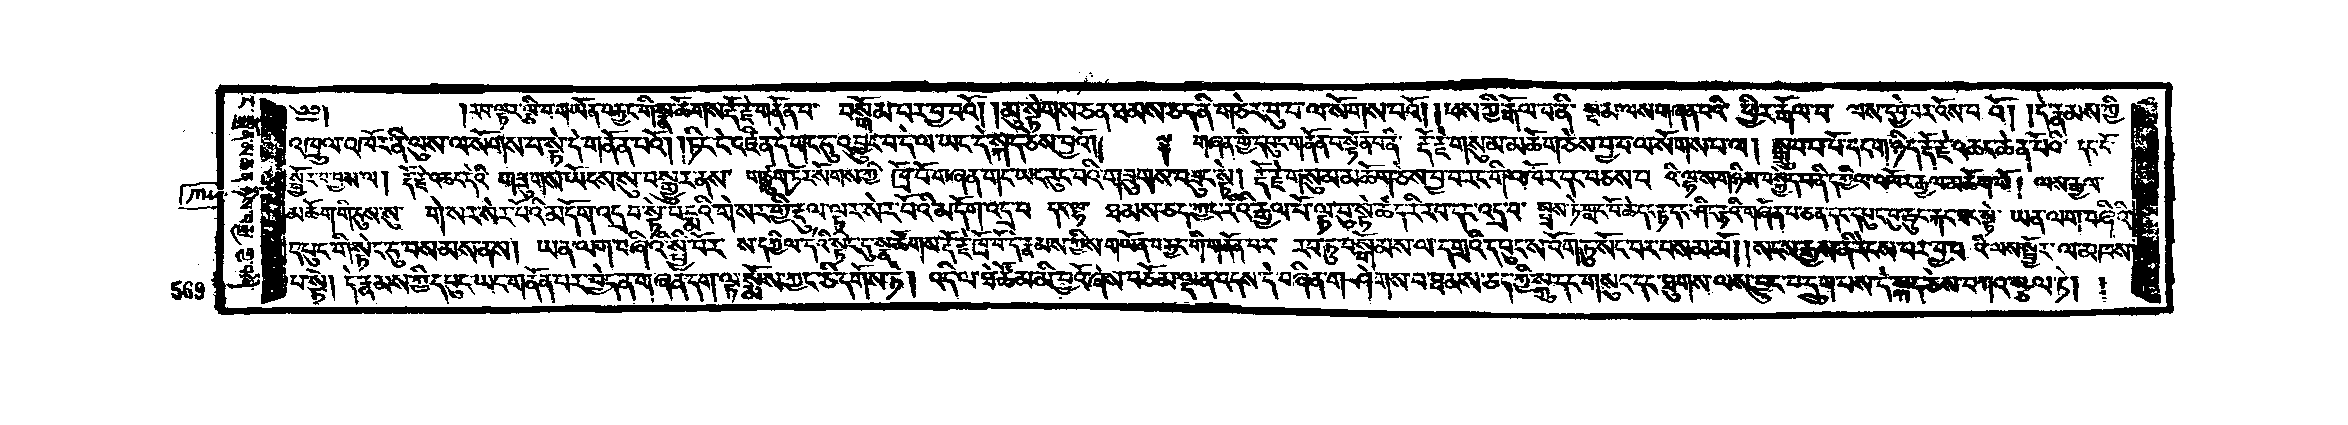༄༅། །རབ་ལྟར་ལྕི་བ་གཡོན་བརྐྱང་གི་སྣ་ཚོགས་རྡོ་རྗེ་གནོན་པ་བསྒོམ་པར་བྱ་བའོ། །མུ་སྟེགས་ཅན་ཐམས་ཅད་ནི་གཅེར་བུ་བ་ལ་སོགས་པའོ། །ཕས་ཀྱི་རྒོལ་བ་ནི་སྔ་མ་ལས་གཞན་པའི་ཕྱིར་རྒོལ་བ་ལས་དབྱེ་བར་འོས་པའོ། །དེ་རྣམས་ཀྱི་
འཁྲུལ་འཁོར་ནི་ལུས་ལ་སོགས་པ་སྟེ་དེ་གནོན་པའོ། །ཏིང་ངེ་འཛིན་དེ་གང་དུ་འབྱུང་བ་དེ་ལ་ཡང་དེ་སྐད་ཅེས་བྱའོ།། ༈ གཞན་གྱི་དཔུང་གནོན་པ་སྟོན་པ་ནི་རྡོ་རྗེ་གསུམ་མཆོག་ཅེས་བྱ་བ་ལ་སོགས་པ་ལ། སྒྲུབ་པ་པོ་བདག་ཉིད་རྡོ་རྗེ་འཆང་ཆེན་པོའི་དང་པོ་
སྦྱོར་བ་བྱས་ལ། རྡོ་རྗེ་འཆང་དེའི་གཟུགས་ཡོངས་སུ་བསྒྱུར་ནས་གཙུག་ཏོར་སོགས་ཀྱི་ཁྲོ་བོ་གཞན་གང་ཡང་རུང་བའི་གཟུགས་བཟུང་སྟེ། རྡོ་རྗེ་གསུམ་མཆོག་ཅེས་བྱ་བ་རང་གི་འཁོར་དང་བཅས་པའི་ལྷ་ས་གཉིས་བསྐྱེད་པ་ནི་དཀྱིལ་འཁོར་རྒྱལ་མཆོག་གོ །ལས་རྒྱལ་
མཆོག་གི་དུས་སུ་གེ་སར་སེར་པོའི་མདོག་འདྲ་བ་སྟེ་པདམའི་གེ་སར་གྱི་རྡུལ་ལྟར་སེར་པོའི་མདོག་འདྲ་བ་དང་ལྷ་ཐམས་ཅད་ཀྱང་རིའི་རྒྱལ་པོ་ལྟ་བུ་སྟེ་ཚད་རི་རབ་དང་འདྲ་བ་སྤྲས་ཏེ་གླང་པོ་ཆེ་དང་རྟ་དང་ཤིང་རྟའི་གཞོན་པ་ཅན་དང་དཔུང་བུ་ཆུང་རྐང་ཐང་སྟེ་ཡན་ལག་བཞིའི་
དཔུང་གི་སྟེང་དུ་བསམས་ནས། ཡན་ལག་བཞིའི་སྤྱི་བོར་ས་དཀྱིལ་དེའི་སྟེང་དུ་སྣ་ཚོགས་རྡོ་རྗེ་ཁྲོ་བོ་དེ་རྣམས་ཀྱིས་གཡོན་བརྐྱང་གི་གནོན་པར་རབ་ཏུ་བསྒོམས་ལ་དགྲའི་དཔུང་ས་འོག་ཏུ་སོང་བར་བསམ་མོ། །སངས་རྒྱས་ནི་རེངས་པར་བྱ་བའི་ལས་སྦྱོར་ལ་མཁས་
པ་སྟེ། དེ་རྣམས་ཀྱི་དཔུང་ཡང་གནོན་པར་བྱེད་ན་གཞན་དག་ལྟ་སྨོས་ཀྱང་ཅི་དགོས་ཏེ། འདི་ལ་ཐེ་ཚོམ་མི་བྱའོ་ཞེས་བཅོམ་ལྡན་འདས་དེ་བཞིན་གཤེགས་པ་ཐམས་ཅད་ཀྱི་སྐུ་དང་གསུང་དང་ཐུགས་ལས་བྱུང་བ་དྲུག་པས་དེ་སྐད་ཅེས་བཀའ་སྩལ་ཏེ། །